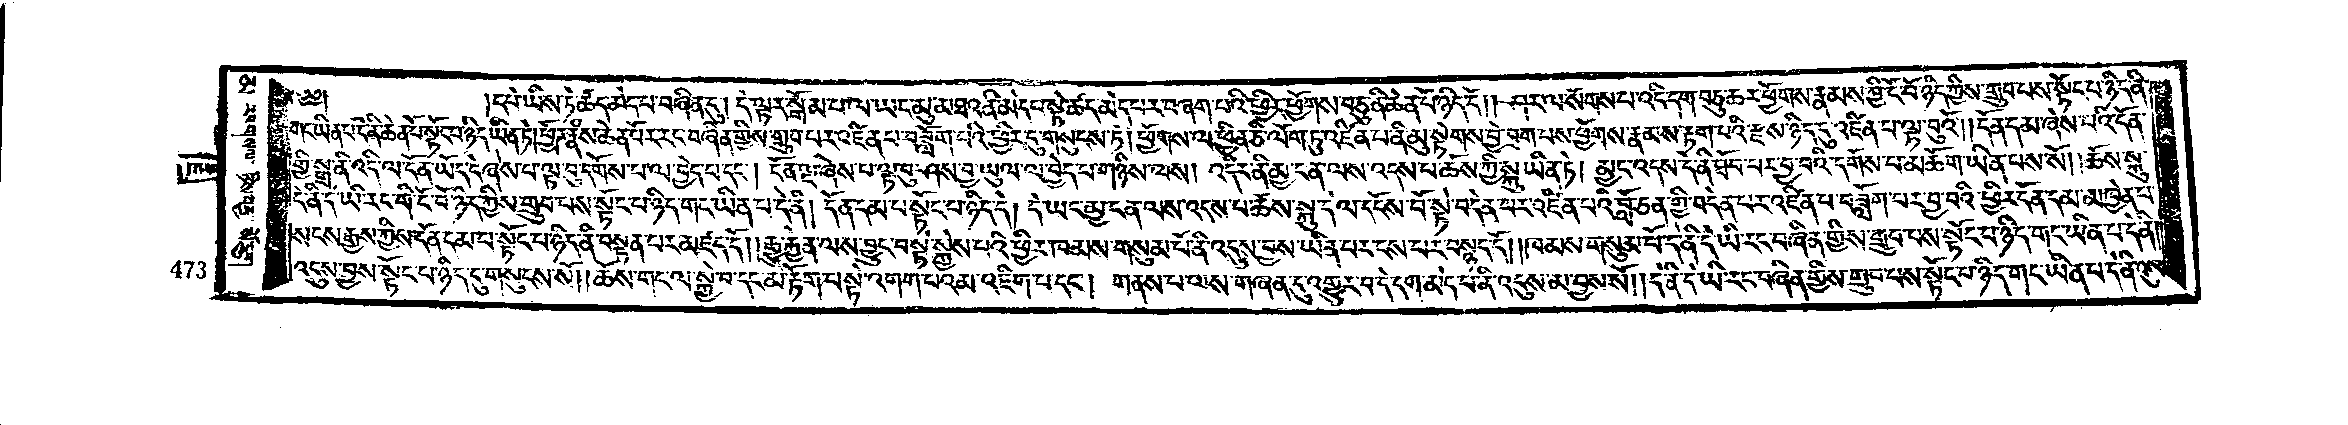༄༅། །དཔེ་ཡིས་ཏེ་ཚད་མེད་པ་བཞིན་དུ། དེ་ལྟར་སྒོམ་པ་ལ་ཡང་མུ་མཐའ་ནི་མེད་པ་སྟེ་ཚད་མེད་པར་བཞག་པའི་ཕྱིར་ཕྱོགས་བཅུ་ནི་ཆེན་པོ་ཉིད་དོ། །ཤར་ལ་སོགས་པ་འདི་དག་བཅུ་ཆར་ཕྱོགས་རྣམས་ཀྱི་ངོ་བོ་ཉིད་ཀྱིས་གྲུབ་པས་སྟོང་པ་ཉིད་ནི་
གང་ཡིན་པ་དེ་ནི་ཆེན་པོ་སྟོང་པ་ཉིད་ཡིན་ཏེ། ཕྱོགས་རྣམས་ཆེན་པོར་རང་བཞིན་གྱིས་གྲུབ་པར་འཛིན་པ་བཟློག་པའི་ཕྱིར་དུ་གསུངས་ཏེ། ཕྱོགས་ལ་ཕྱིན་ཅི་ལོག་ཏུ་འཛིན་པ་ནི་མུ་སྟེགས་བྱེ་བྲག་པས་ཕྱོགས་རྣམས་རྟག་པའི་རྫས་ཉིད་དུ་འཛིན་པ་ལྟ་བུའོ། །དོན་དམ་ཞེས་པའི་དོན་
གྱི་སྒྲ་ནི་འདི་ལ་དོན་ཡོད་དེ་ཞེས་པ་ལྟ་བུ་དགོས་པ་ལ་བྱེད་པ་དང་། དོན་ལྔ་ཞེས་པ་ལྟ་བུ་ཤེས་བྱ་ཡུལ་ལ་བྱེད་པ་གཉིས་ལས་འདིར་ནི་མྱ་ངན་ལས་འདས་པ་ཆོས་ཀྱི་སྐུ་ཡིན་ཏེ། མྱང་འདས་དེ་ནི་ཐོབ་པར་བྱ་བའི་དགོས་པ་མཆོག་ཡིན་པས་སོ། །ཆོས་སྐུ་
དེ་ནི་དེ་ཡི་རང་གི་ངོ་བོ་ཉིད་ཀྱིས་གྲུབ་པས་སྟོང་པ་ཉིད་གང་ཡིན་པ་དེ་ནི། དོན་དམ་པ་སྟོང་པ་ཉིད་དེ། དེ་ཡང་མྱ་ངན་འདས་པ་ཆོས་སྐུ་དེ་ལ་དངོས་པོ་སྟེ་བདེན་པར་འཛིན་པའི་བློ་ཅན་གྱི་བདེན་པར་འཛིན་པ་བཟློག་པར་བྱ་བའི་ཕྱིར་དོན་དམ་མཁྱེན་པ་
སངས་རྒྱས་ཀྱིས་དོན་དམ་པ་སྟོང་པ་ཉིད་ནི་བསྟན་པར་མཛད་དོ། །རྒྱུ་རྐྱེན་ལས་བྱུང་བ་སྟེ་སྐྱེས་པའི་ཕྱིར་ཁམས་གསུམ་པོ་ནི་འདུས་བྱས་ཡིན་པར་ངེས་པར་བསྙད་དོ། །ཁམས་གསུམ་པོ་དེ་ནི་དེ་ཡི་རང་བཞིན་གྱིས་གྲུབ་པས་སྟོང་པ་ཉིད་གང་ཡིན་པ་དེ་ནི།
འདུས་བྱས་སྟོང་པ་ཉིད་དུ་གསུངས་སོ། །ཆོས་གང་ལ་སྐྱེ་བ་དང་མི་རྟག་པ་སྟེ་འགག་པའམ་འཇིག་པ་དང་། གནས་པ་ལས་གཞན་དུ་འགྱུར་བ་དེ་དག་མེད་པ་ནི་འདུས་མ་བྱས་སོ། །དེ་ནི་དེ་ཡི་རང་བཞིན་གྱིས་གྲུབ་པས་སྟོང་པ་ཉིད་གང་ཡིན་པ་དེ་ནི་འདུས་